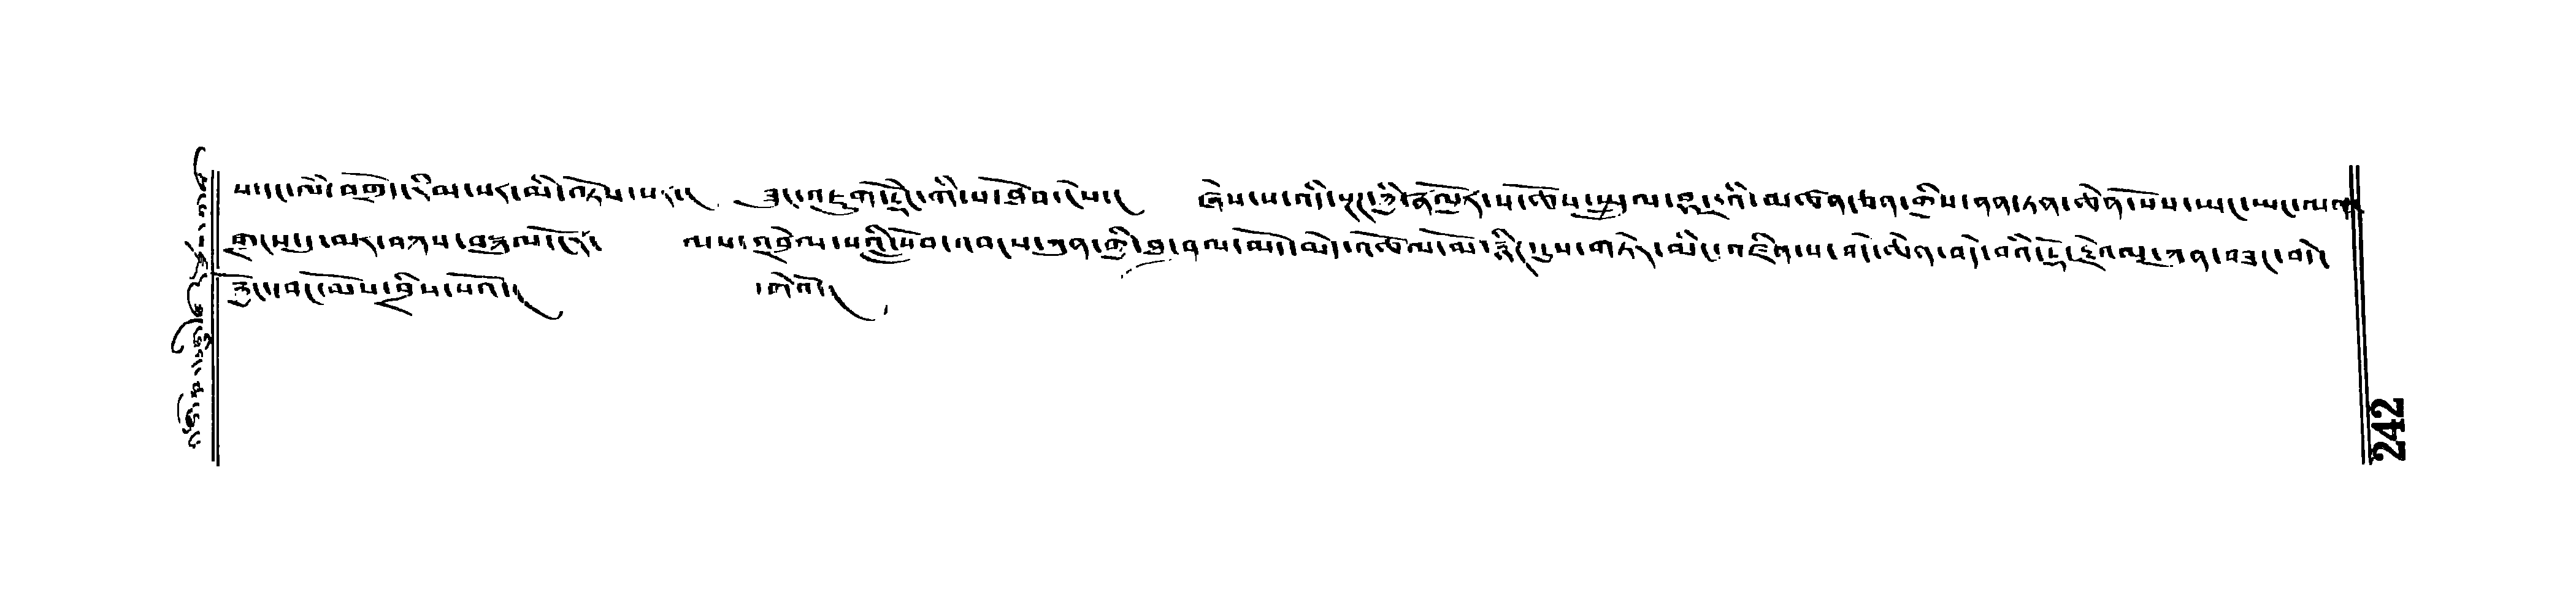།ས་དང་ལམ་བགྲོད་རིམ་པར་མི་ལྟོས་པར། །ཟུང་འཇུག་རྡོ་རྗེ་འཆང་གི་ས་ཐོབ་ངེས། །ཞེས་པ་འདི་སྔགས་ཀྱི་རྣལ་འབྱོར་པ་ཆོས་སྤྲུལ་བྷ་དྲའི་མཚན་ཅན་གྱིས་ནན་ཏན་ཆེན་པོས་ཡང་ཡང་ལན་
གྲངས་དུ་མར་བཀས་བསྐུལ་ངོར། ལས་འབྲེལ་པའི་སློབ་འབངས་ཀུན་གྱི་ཐ་ཤལ་མདོ་མེད་འཆོལ་མོ་སྙིགས་དུས་གཏེར་མིང་འཛིན་པ་བདེ་ཆེན་བདེ་བའི་རྡོ་རྗེའམ་ཀུན་བཟང་བདེ་
སྐྱོང་དབང་མོས་བྲིས་པའོ།། དགེའོ།།